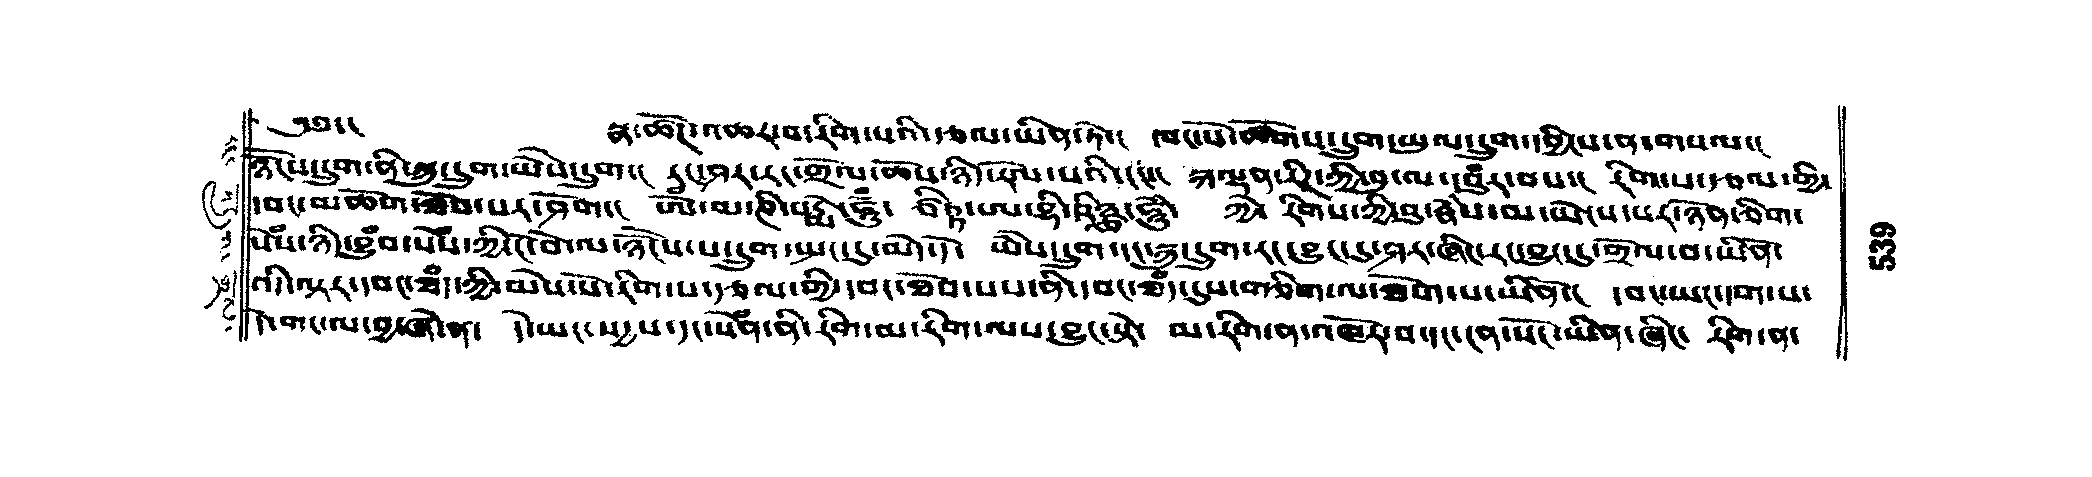།སྣ་ཚོགས་འཆར་བ་རིག་པའི་རྩལ་ཡིན་ཏེ། དབང་པོ་ཚོགས་དྲུག་ཡུལ་དྲུག་དབྱིངས་ན་གསལ། །
ཉོན་མོངས་དྲུག་ནི་སྐུ་དྲུག་ཡེ་ཤེས་དྲུག །རང་ཤར་རང་གྲོལ་ཆོས་ཉིད་རོལ་པའི་ངང་། །སྐལ་ལྡན་རིགས་ཀྱི་བུ་ལ་དབང་བསྐུར་བས། །རིག་པ་རྩལ་གྱི་
དབང་མཆོག་ཐོབ་པར་ཤོག ཨོཾ་མ་ཎི་པདྨེ་ཧཱུྃ། ཙིཏྟ་ཨ་བྷི་རཱིཉྩ་ཧཱུྃ་ཀྱེ། རིགས་ཀྱི་བུ་རྣམས་མ་གཡེངས་པར་ཉོན་ཅིག 
སེམས་ཉིད་བྱང་ཆུབ་སེམས་ཀྱི་ངོ་བོ་ལ་ཉོན་མོངས་པ་དྲུག་སྤང་དུ་མེད་དེ། ཡེ་ཤེས་དྲུག་དང་སྐུ་དྲུག་རང་བྱུང་དུ་ཤར་ཞིང་རང་བྱུང་དུ་གྲོལ་བ་ཡིན་ནོ། 
འདི་ལྟར་དབང་ཐམས་ཅད་ཀྱི་མེས་པོ་རིག་པ་རྩལ་གྱི་དབང་ཐོབ་པས་ནི་དབང་ཐམས་ཅད་དུས་གཅིག་ལ་ཐོབ་པ་ཡིན་ནོ། དབང་ཡང་དག་པ་
དེ་གང་ལ་བྱ་ཞེ་ན། དེ་ཡང་སངས་རྒྱས་དང་སེམས་ཅན་ནི་རིག་མ་རིག་ལས་བྱུང་སྟེ། མ་རིག་ན་འཁོར་བ་དང་ངན་སོང་ཡིན་ཞིང་། རིག་ན་